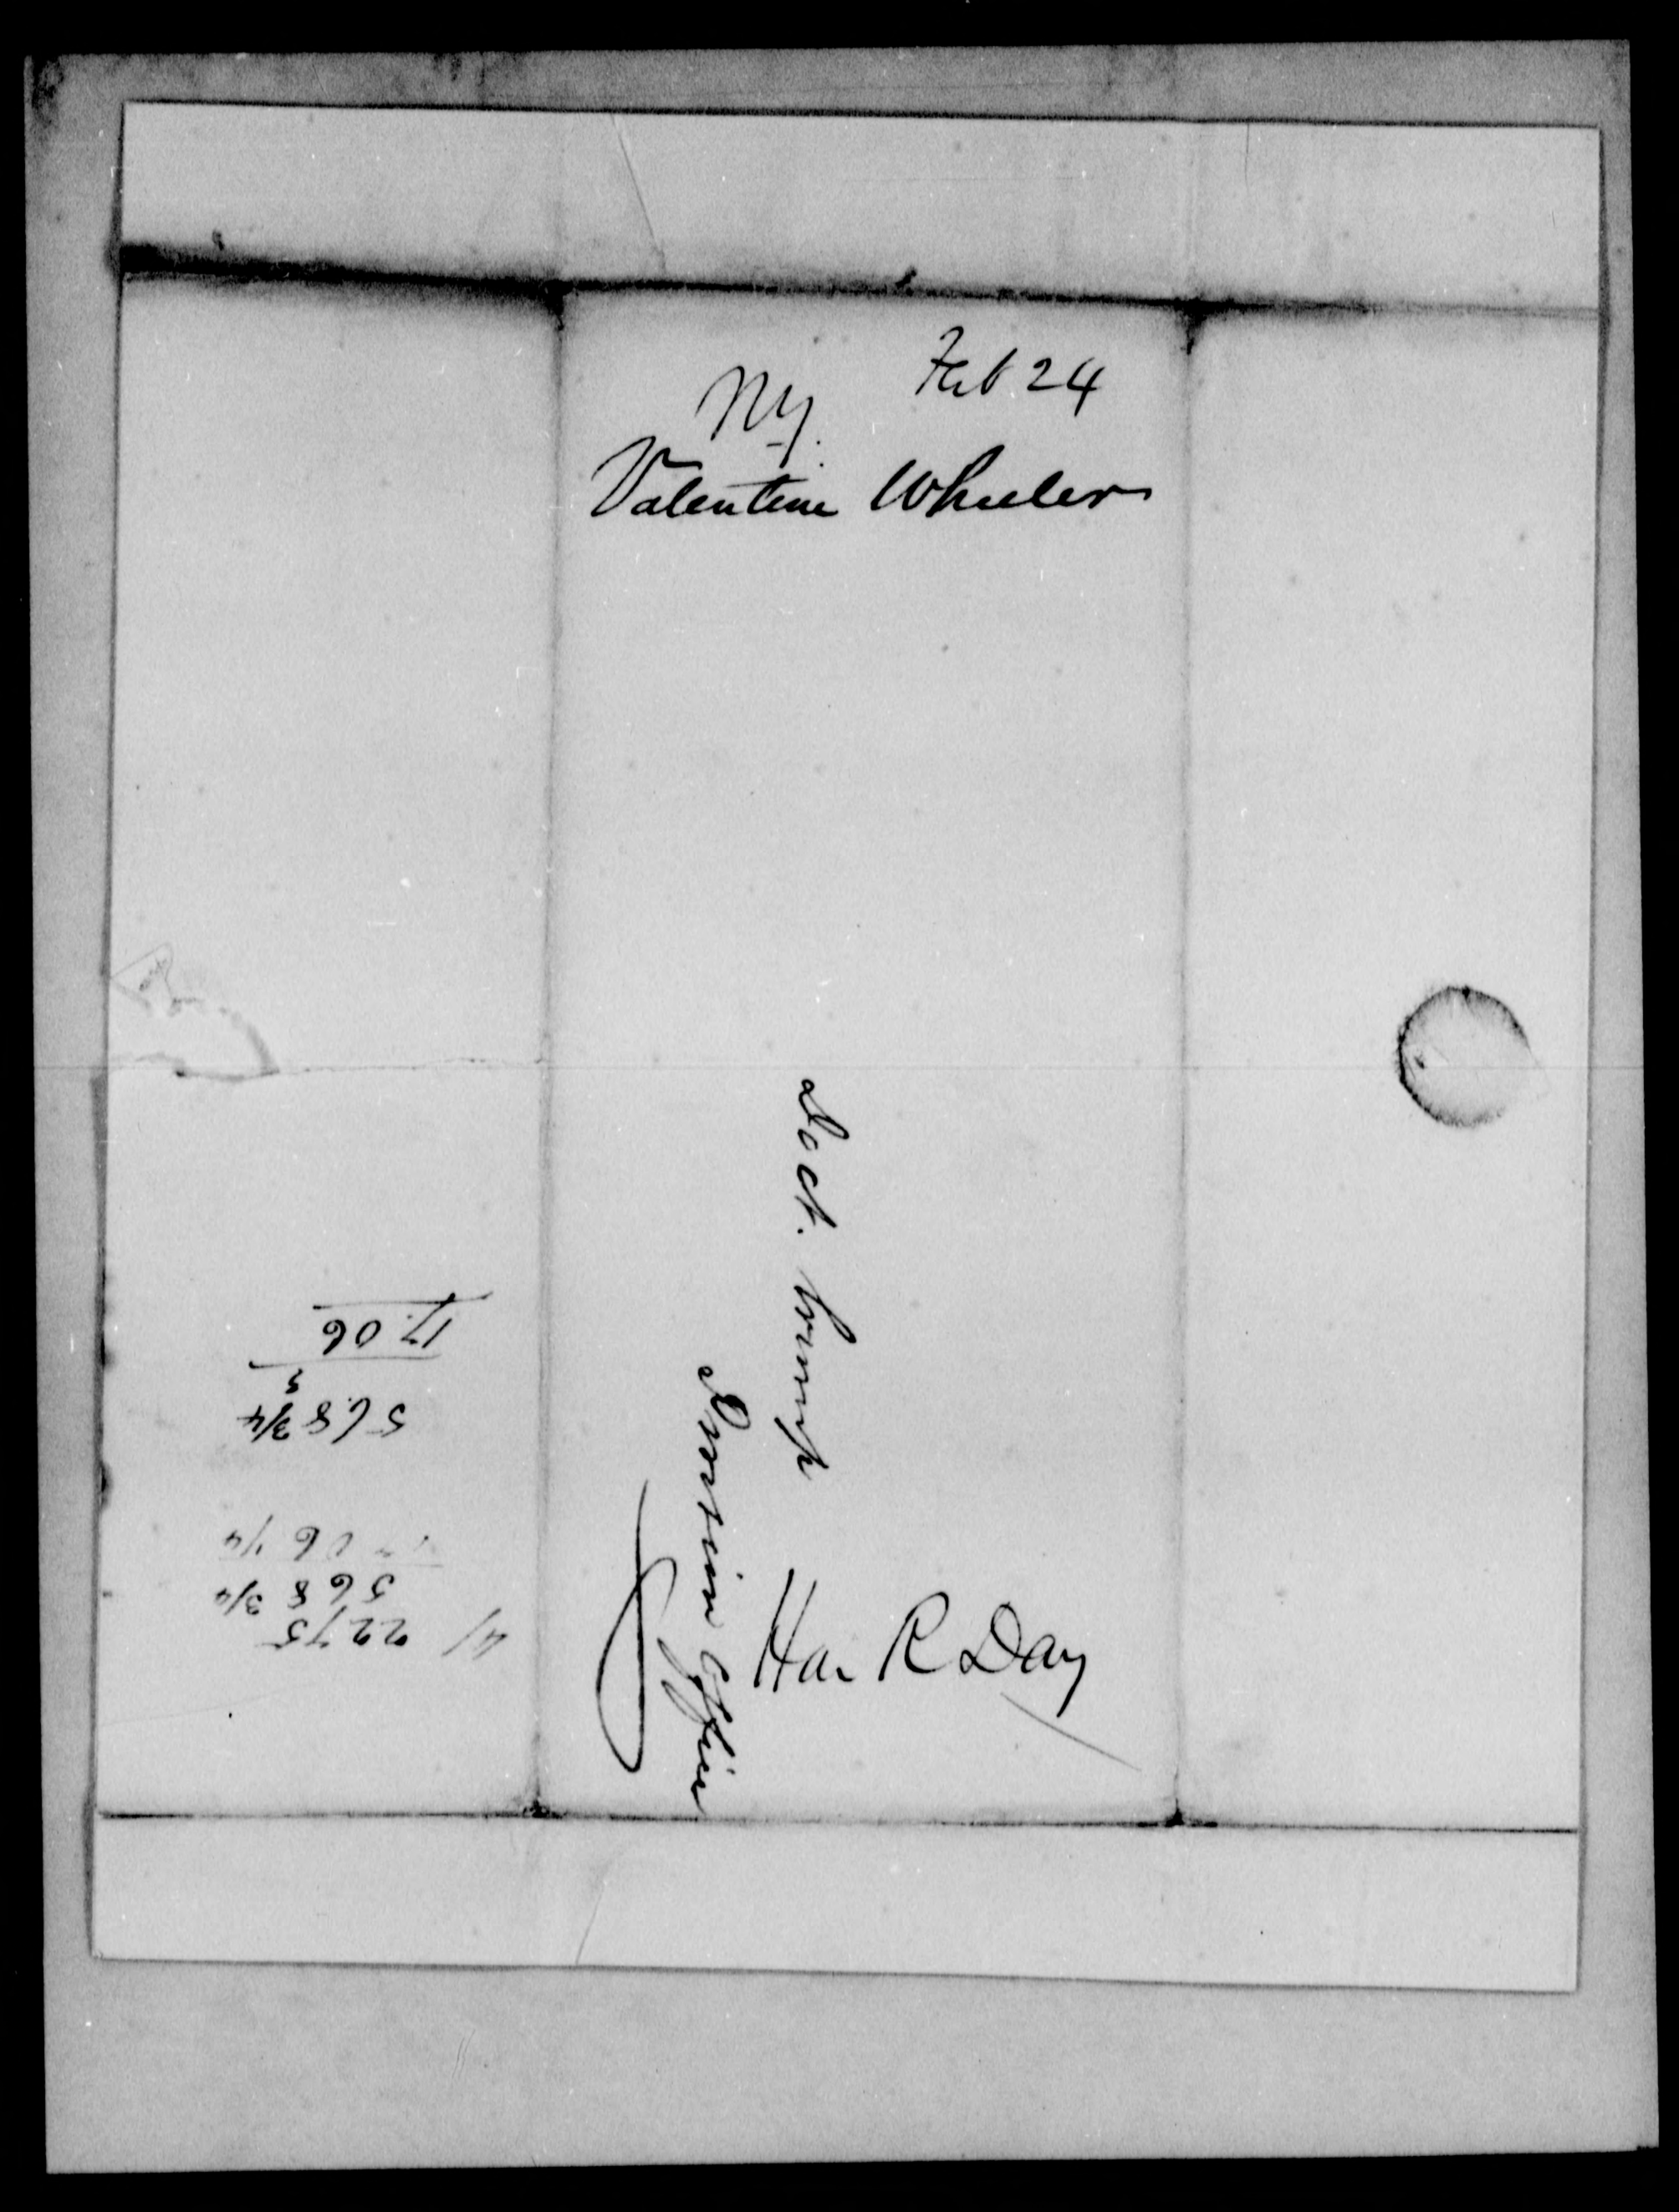Feb 24
N.Y.
Valentine Wheeler

Doct. Crump
Pension office

Hon. R. Day

2275
568 3/4
________
1706 1/4

568 3/4
5
________
17.06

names: R Day, Crump, Valentine Wheeler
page: 71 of 98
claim: widow's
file: W. 1682, Valentine Wheeler, Mass.